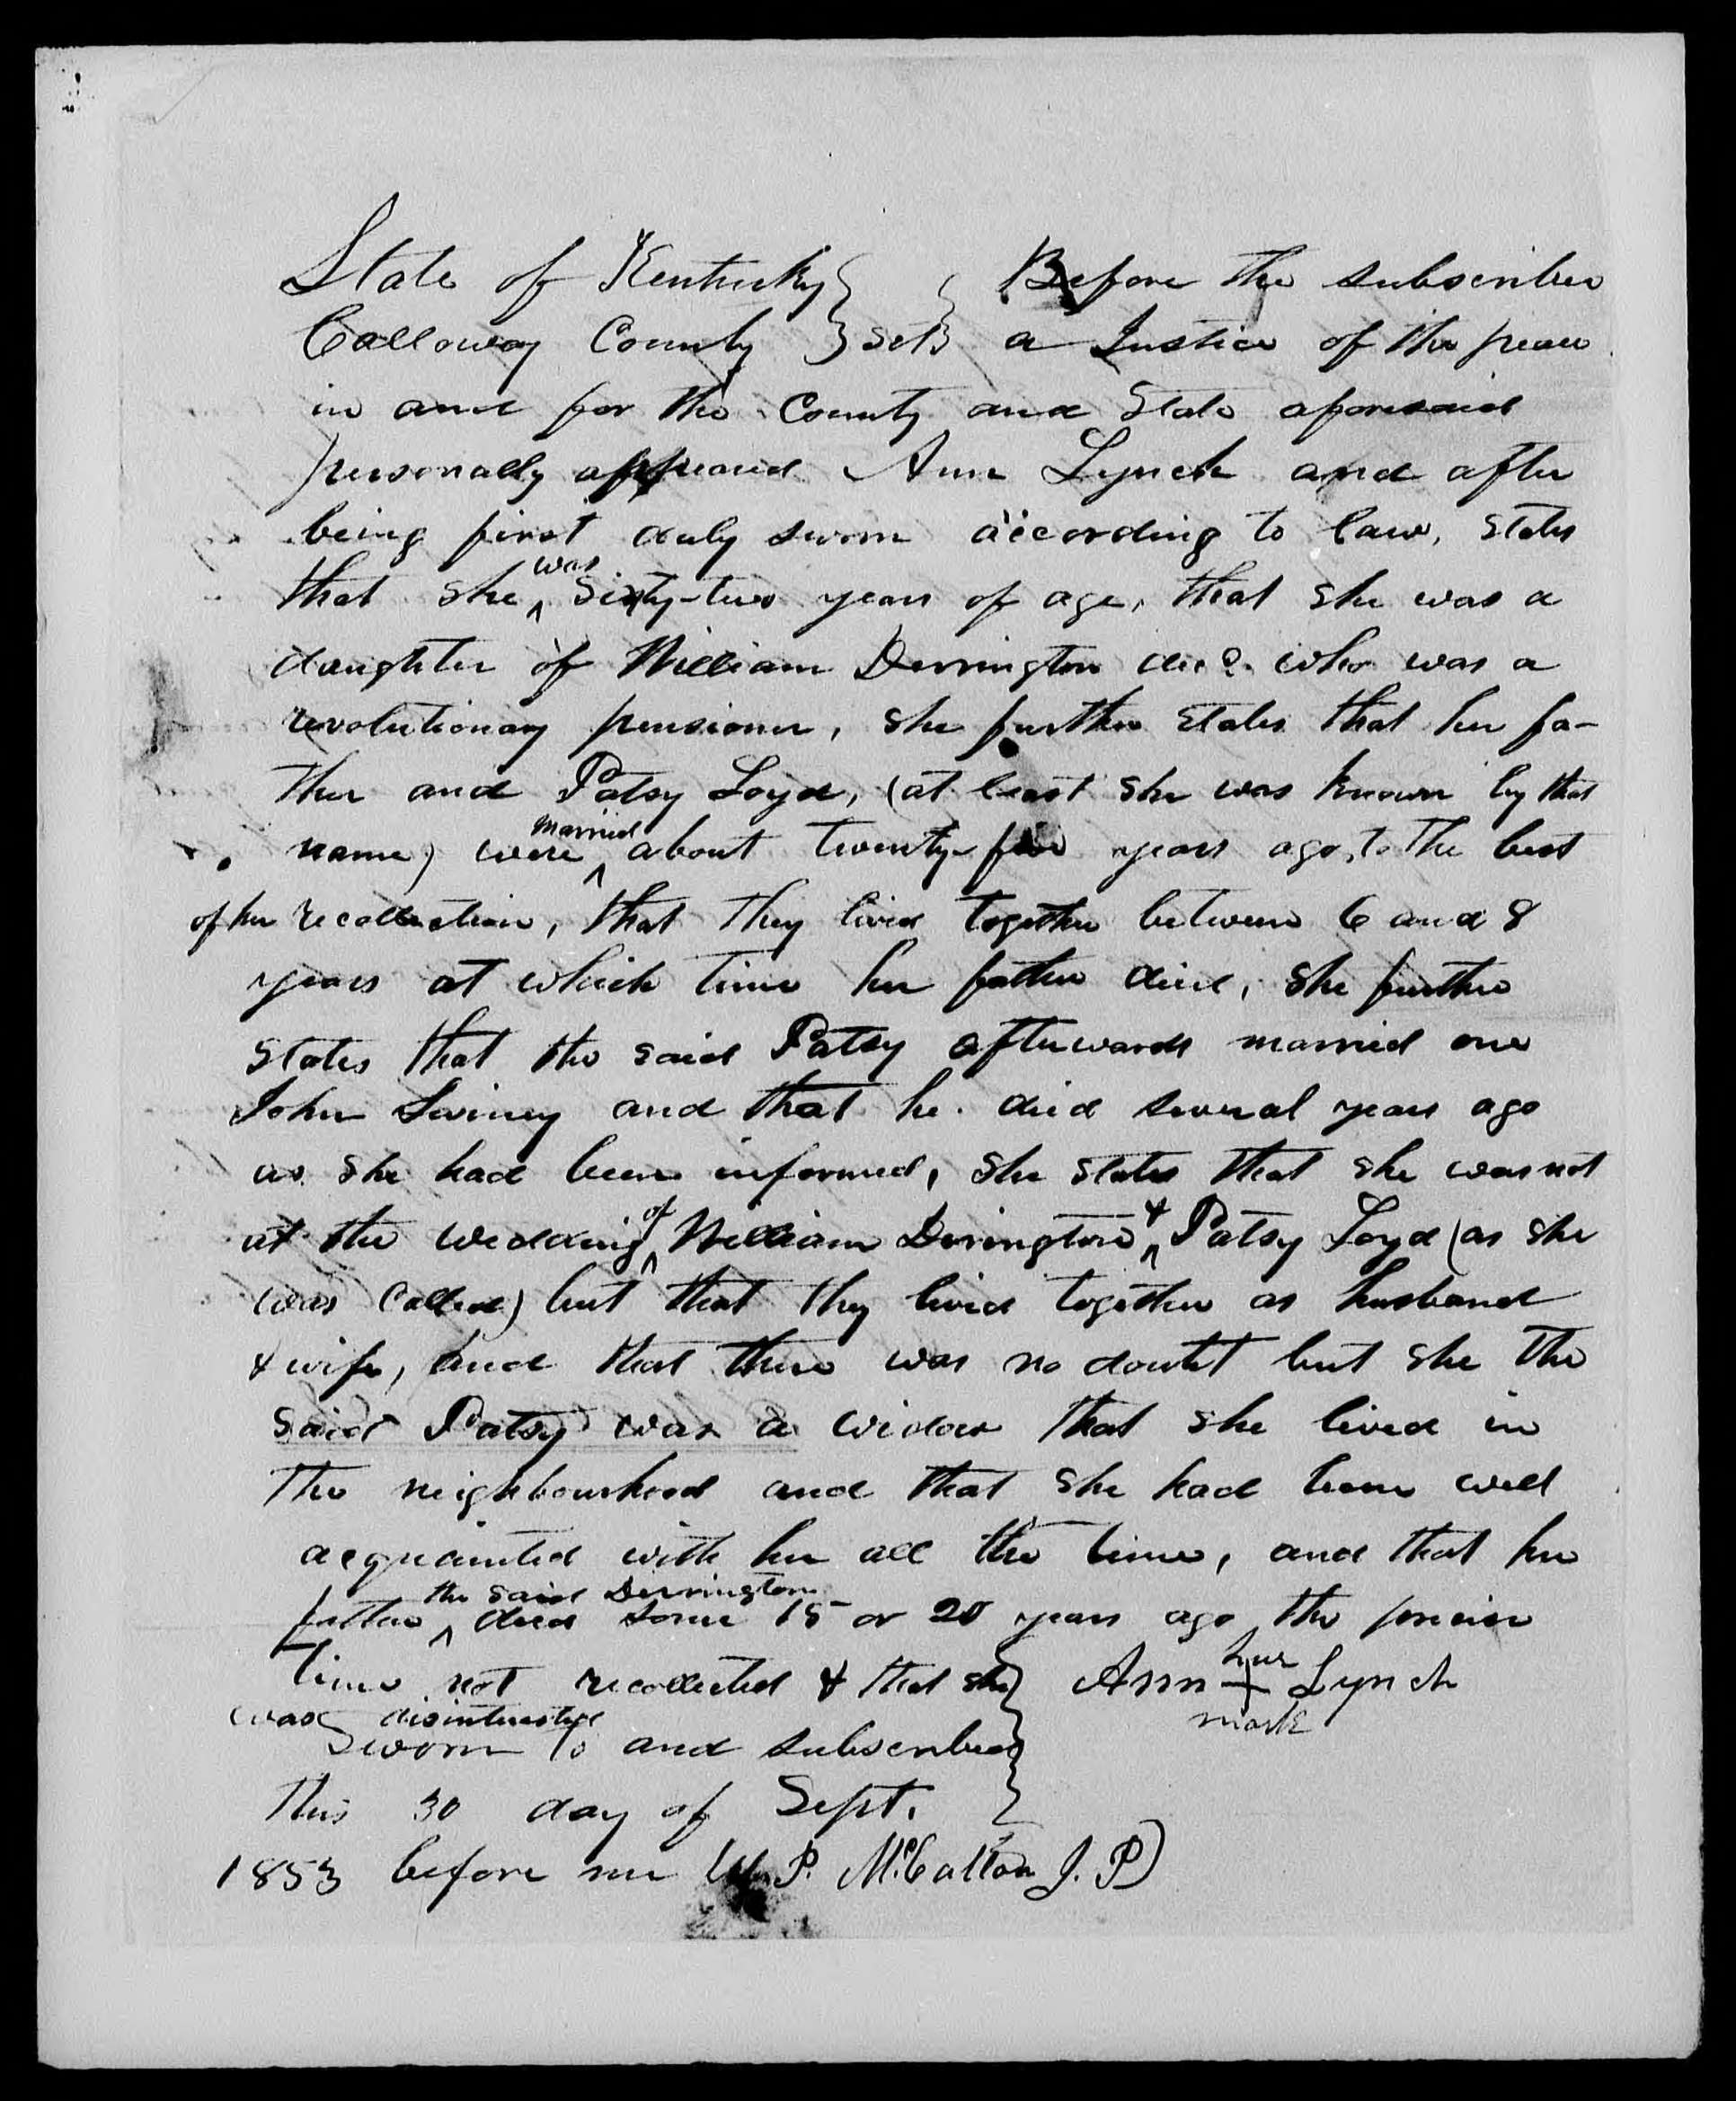State of Kentucky Calloway County 
Before the subscriber a Justice of the peace in and for the County and State aforesaid personally appeared Ann Lynch and after being first duly sworn according to law, states that she ^was sixty-two years of age, that she was a daughter of William Durrington decd who was a revolutionary pensioner, she further states that her father and Patsy Loyd, (at least she was known by that name) were ^married about twenty-four years ago to the best of her recollection, that they lived together between 6 and 8 years at which time her father died. She further States that the said Patsy afterwards married one John Swiney and that he died several years ago as she had been informed, She states that she was not at the wedding ^of William Durrington ^& Patsy Loyd (as she was called) but that they lived together as husband & wife, and that there was no doubt but she the said Patsy was a widow that she lived in the neighbourhood and that she had been well acquainted with her all the time, and that her father ^the said Durrington died some 15 or 20 years ago the prior time not recollected & that she was disinterested Ann Lynch her [handwritten] X mark

Sworn to and subscribed this 30 day of Sept. 1853 before me W. P. McCallan J.P.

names: Ann Lynch, W P Mc Callon, Patsy Loyd, William Derington, Patsy Loyd, William Derrington, Patsy, Ann Lynch, Patsy, Derrington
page: 45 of 51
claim: widow's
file: W. 27,409, William Dunnington, Md.